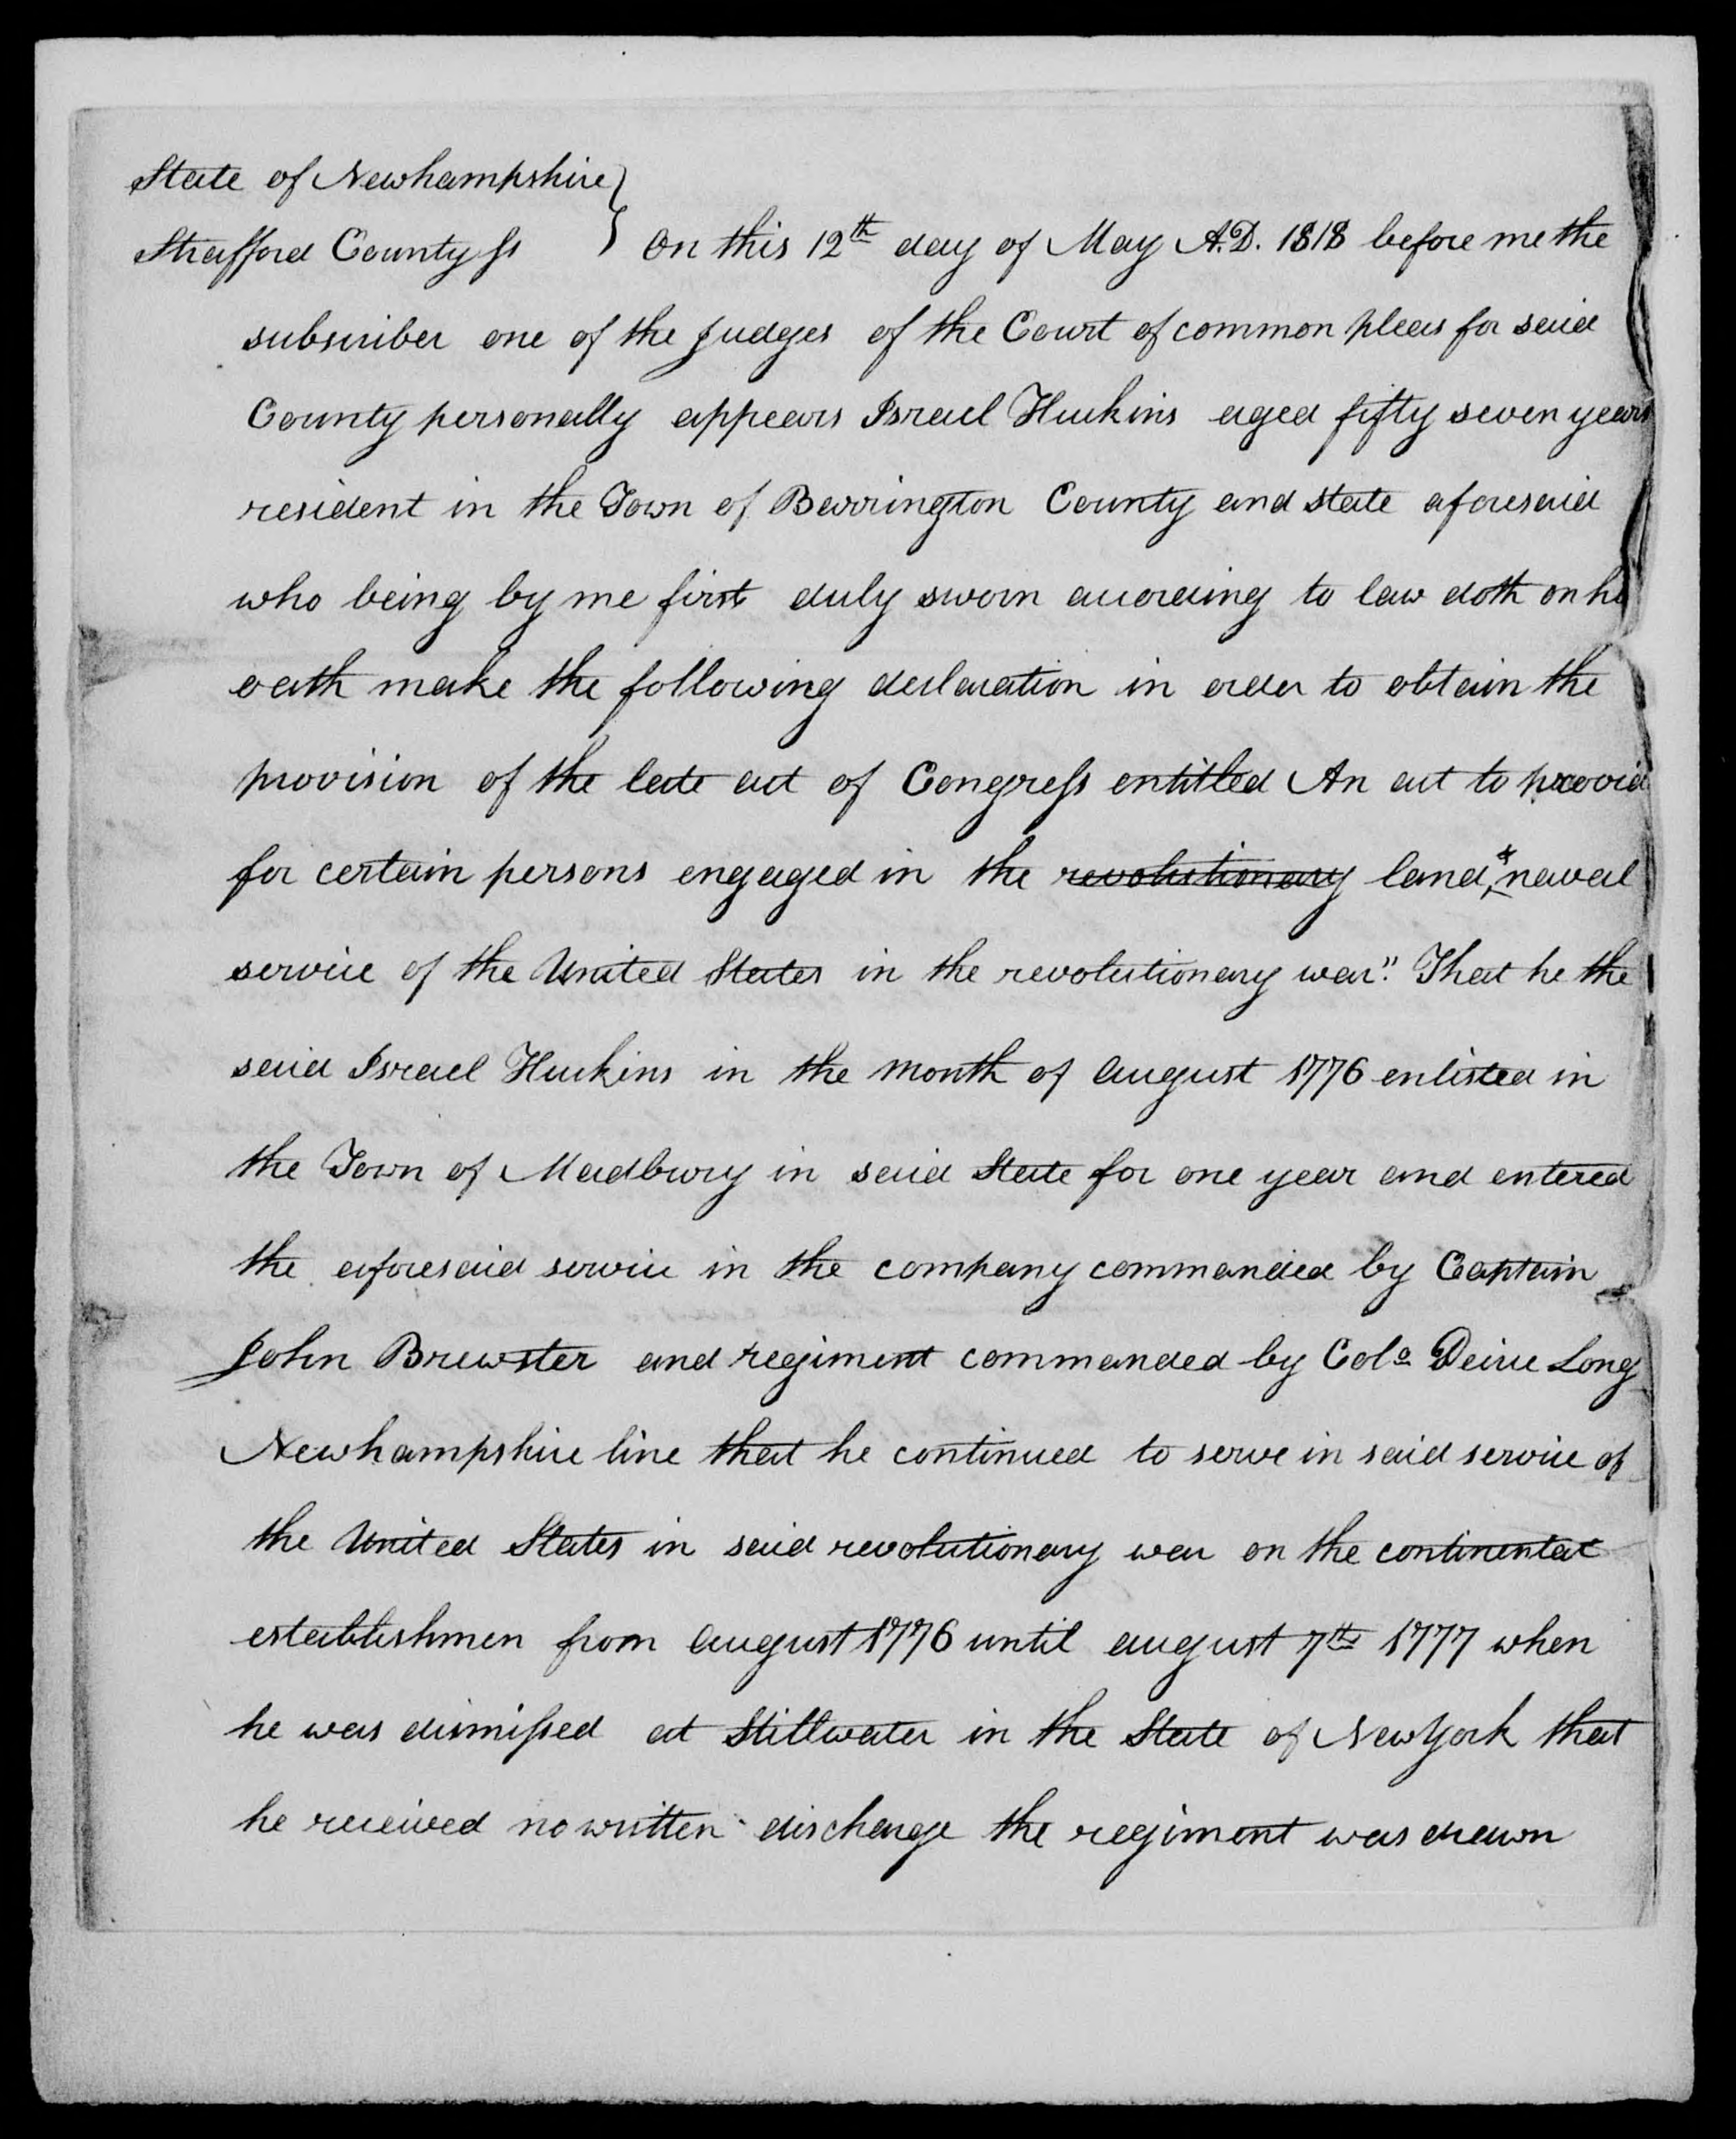State of New Hampshire
Strafford County ss.

On this 12th day of May A.D. 1818 before me the subscriber one of the judges of the Court of common pleas for said County personally appeared Israel Hawkins aged fifty seven years resident in the Town of Barrington County and State aforesaid who being by me first duly sworn according to law doth on his oath make the following declaration in order to obtain the provision of the late act of Congress entitled "An act to provide for certain persons engaged in the land and naval service of the United States in the revolutionary war." 

That he the said Israel Hawkins in the month of August 1776 enlisted in the Town of Madbury in said State for one year and entered the aforesaid service in the company commanded by Captain John Brewster and regiment commanded by Colo Enoch Long New Hampshire line that he continued to serve in said service of the United States in said revolutionary war on the continental establishment from August 1776 until August 1777 when he was discharged at Stillwater in the State of New York that he received no written discharge the regiment was resumed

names: John Brewster, Deine Long, Israel Huckins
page: 14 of 35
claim: widow's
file: W. 16127, Israel Huckins, N.H.